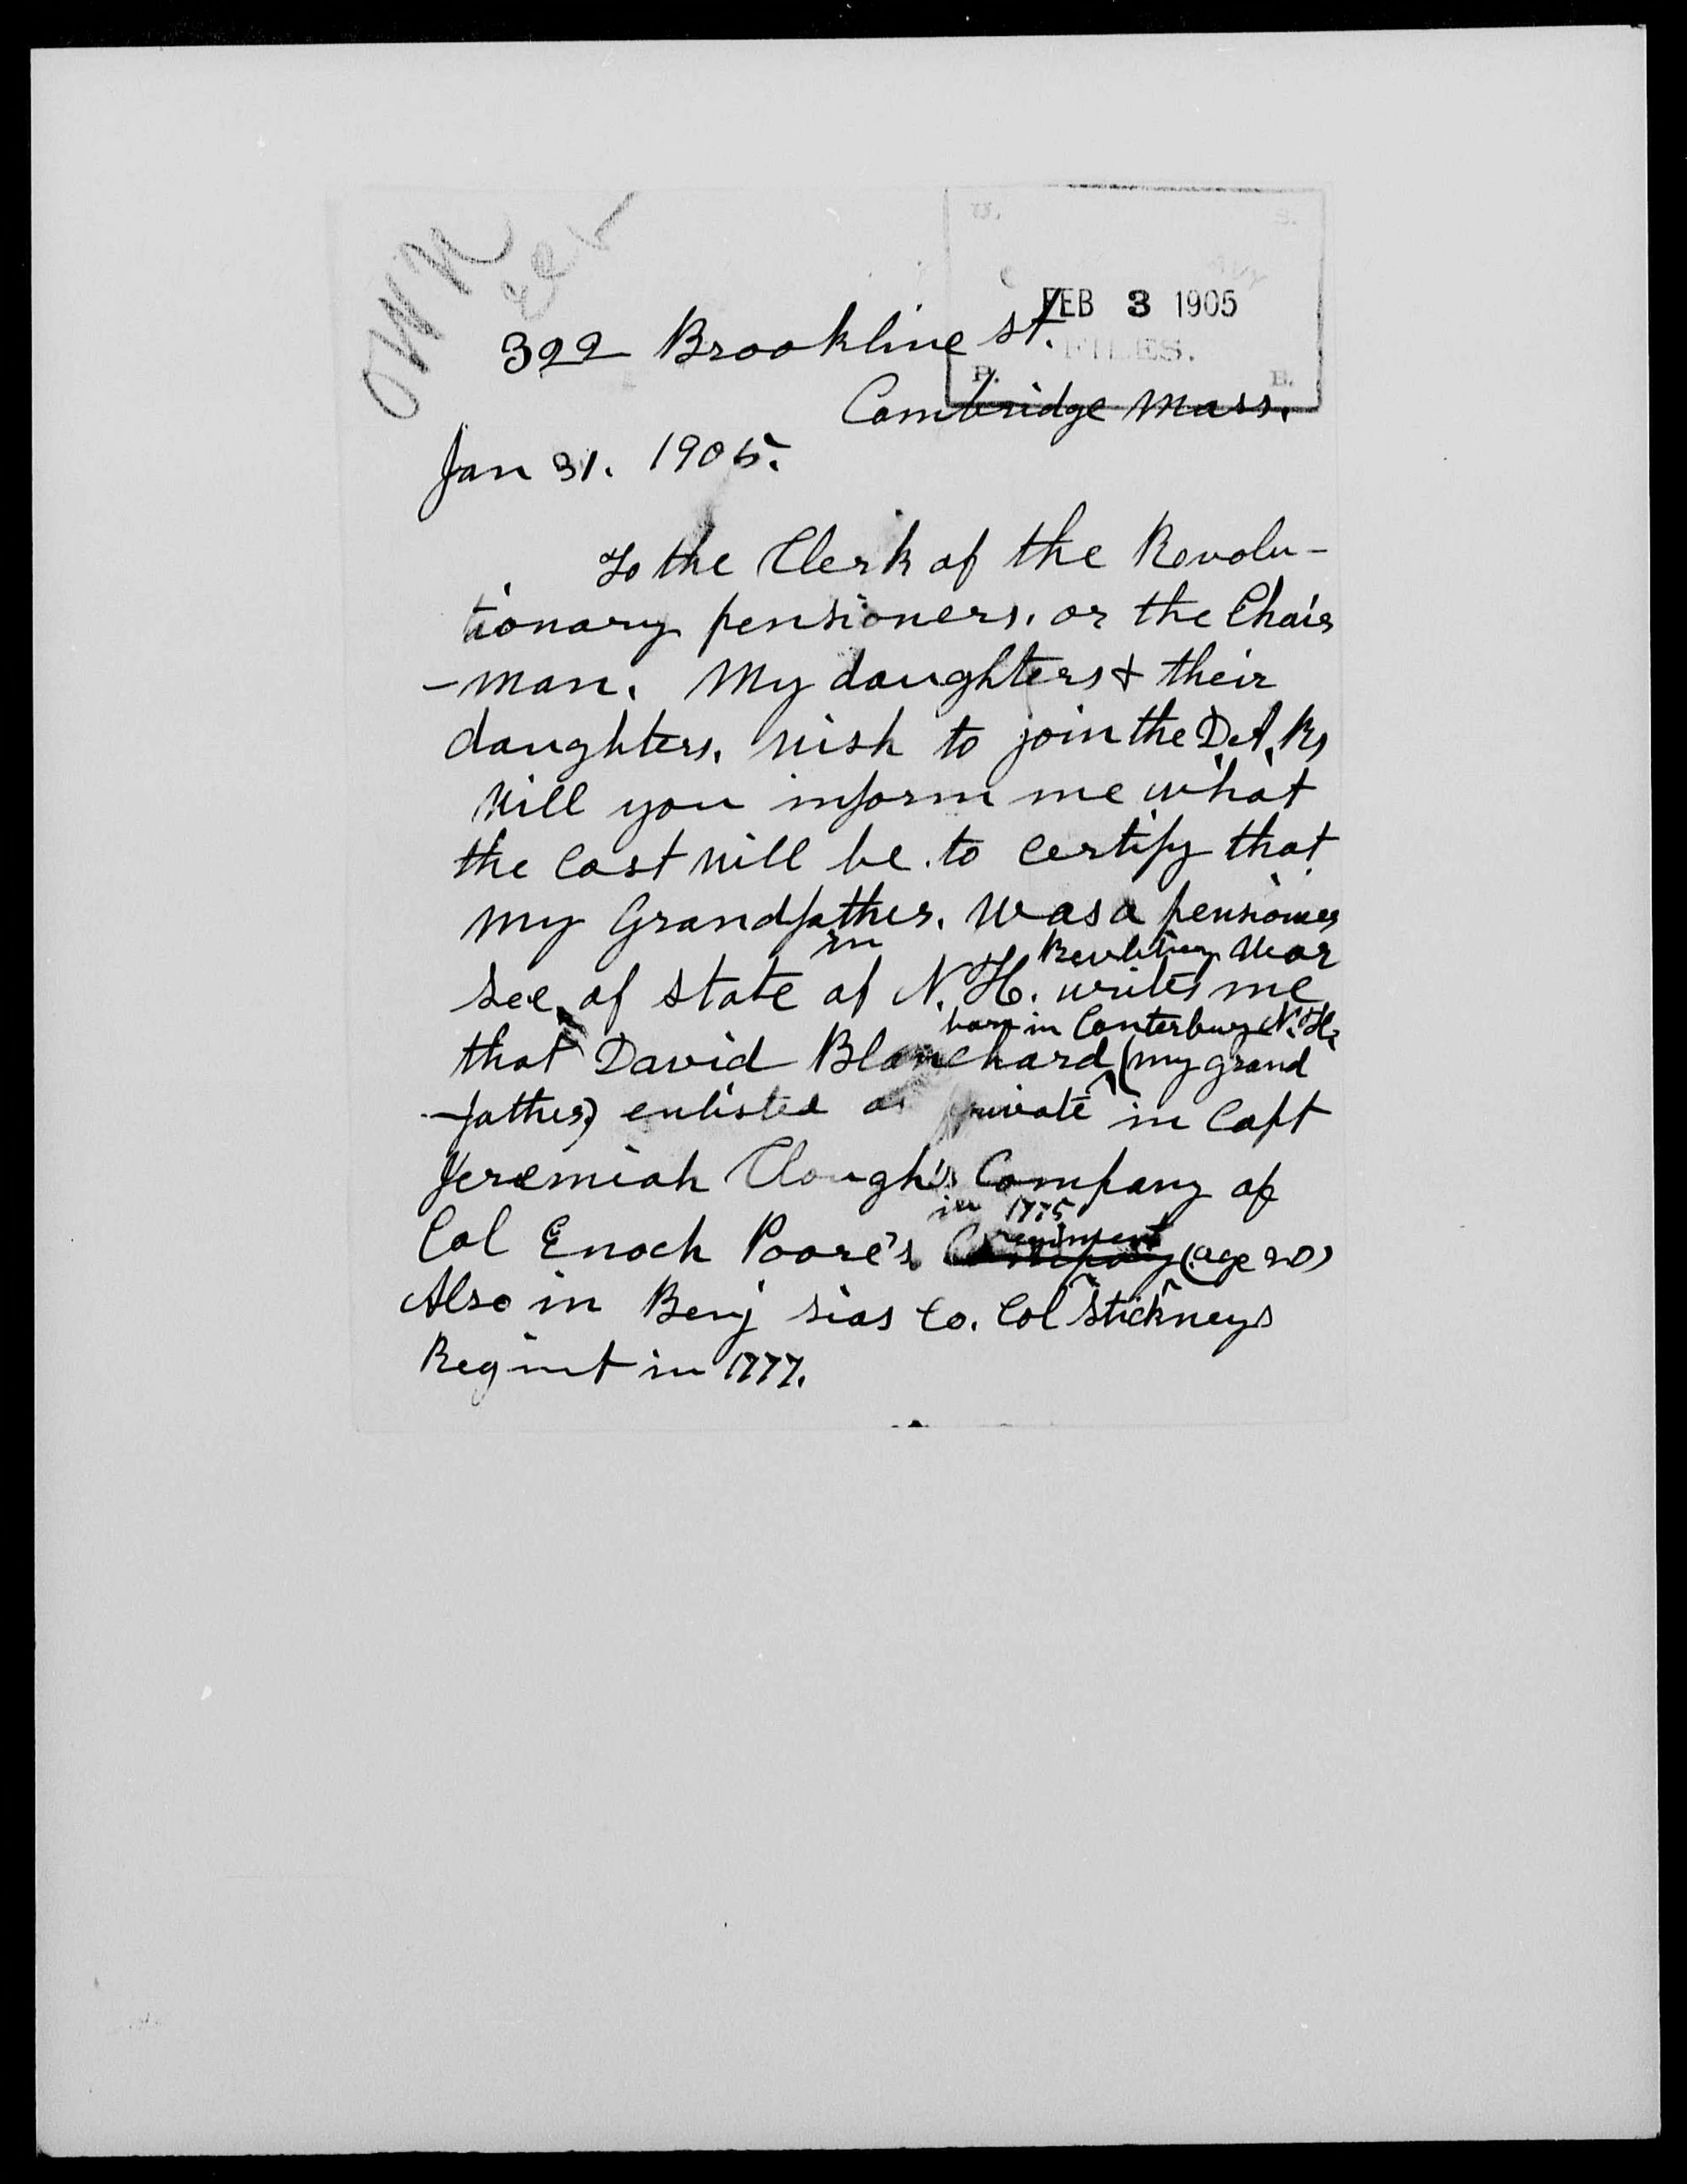[stamp] U. S. P. B. [illegible] Files Feb 3 1905
Own ECt
392 Brookline St.
Cambridge Mass.
Jan 31, 1905.
To the Clerk of the Revolutionary pensioners, or the Chairman. My daughters & their daughters, wish to join the [illegible] Will you inform me what the cost will be to certify that my grandfather, was a Revolutionary War pensioner. Sec of State of N.H. writes me that David Blanchard born in Canterbury N. H. (my grand
father) enlisted as private in Capt Jeremiah Clough's Company of Col Enoch Poor's regiment in 1775 (age 20). Also in Benj Sias Co. Col Stickney Regimt in 1777.
[the rest is cut off]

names: David Blanchard, Enoch Poore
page: 18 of 23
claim: survivor's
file: S. 12237, David Blanchard, N. H.